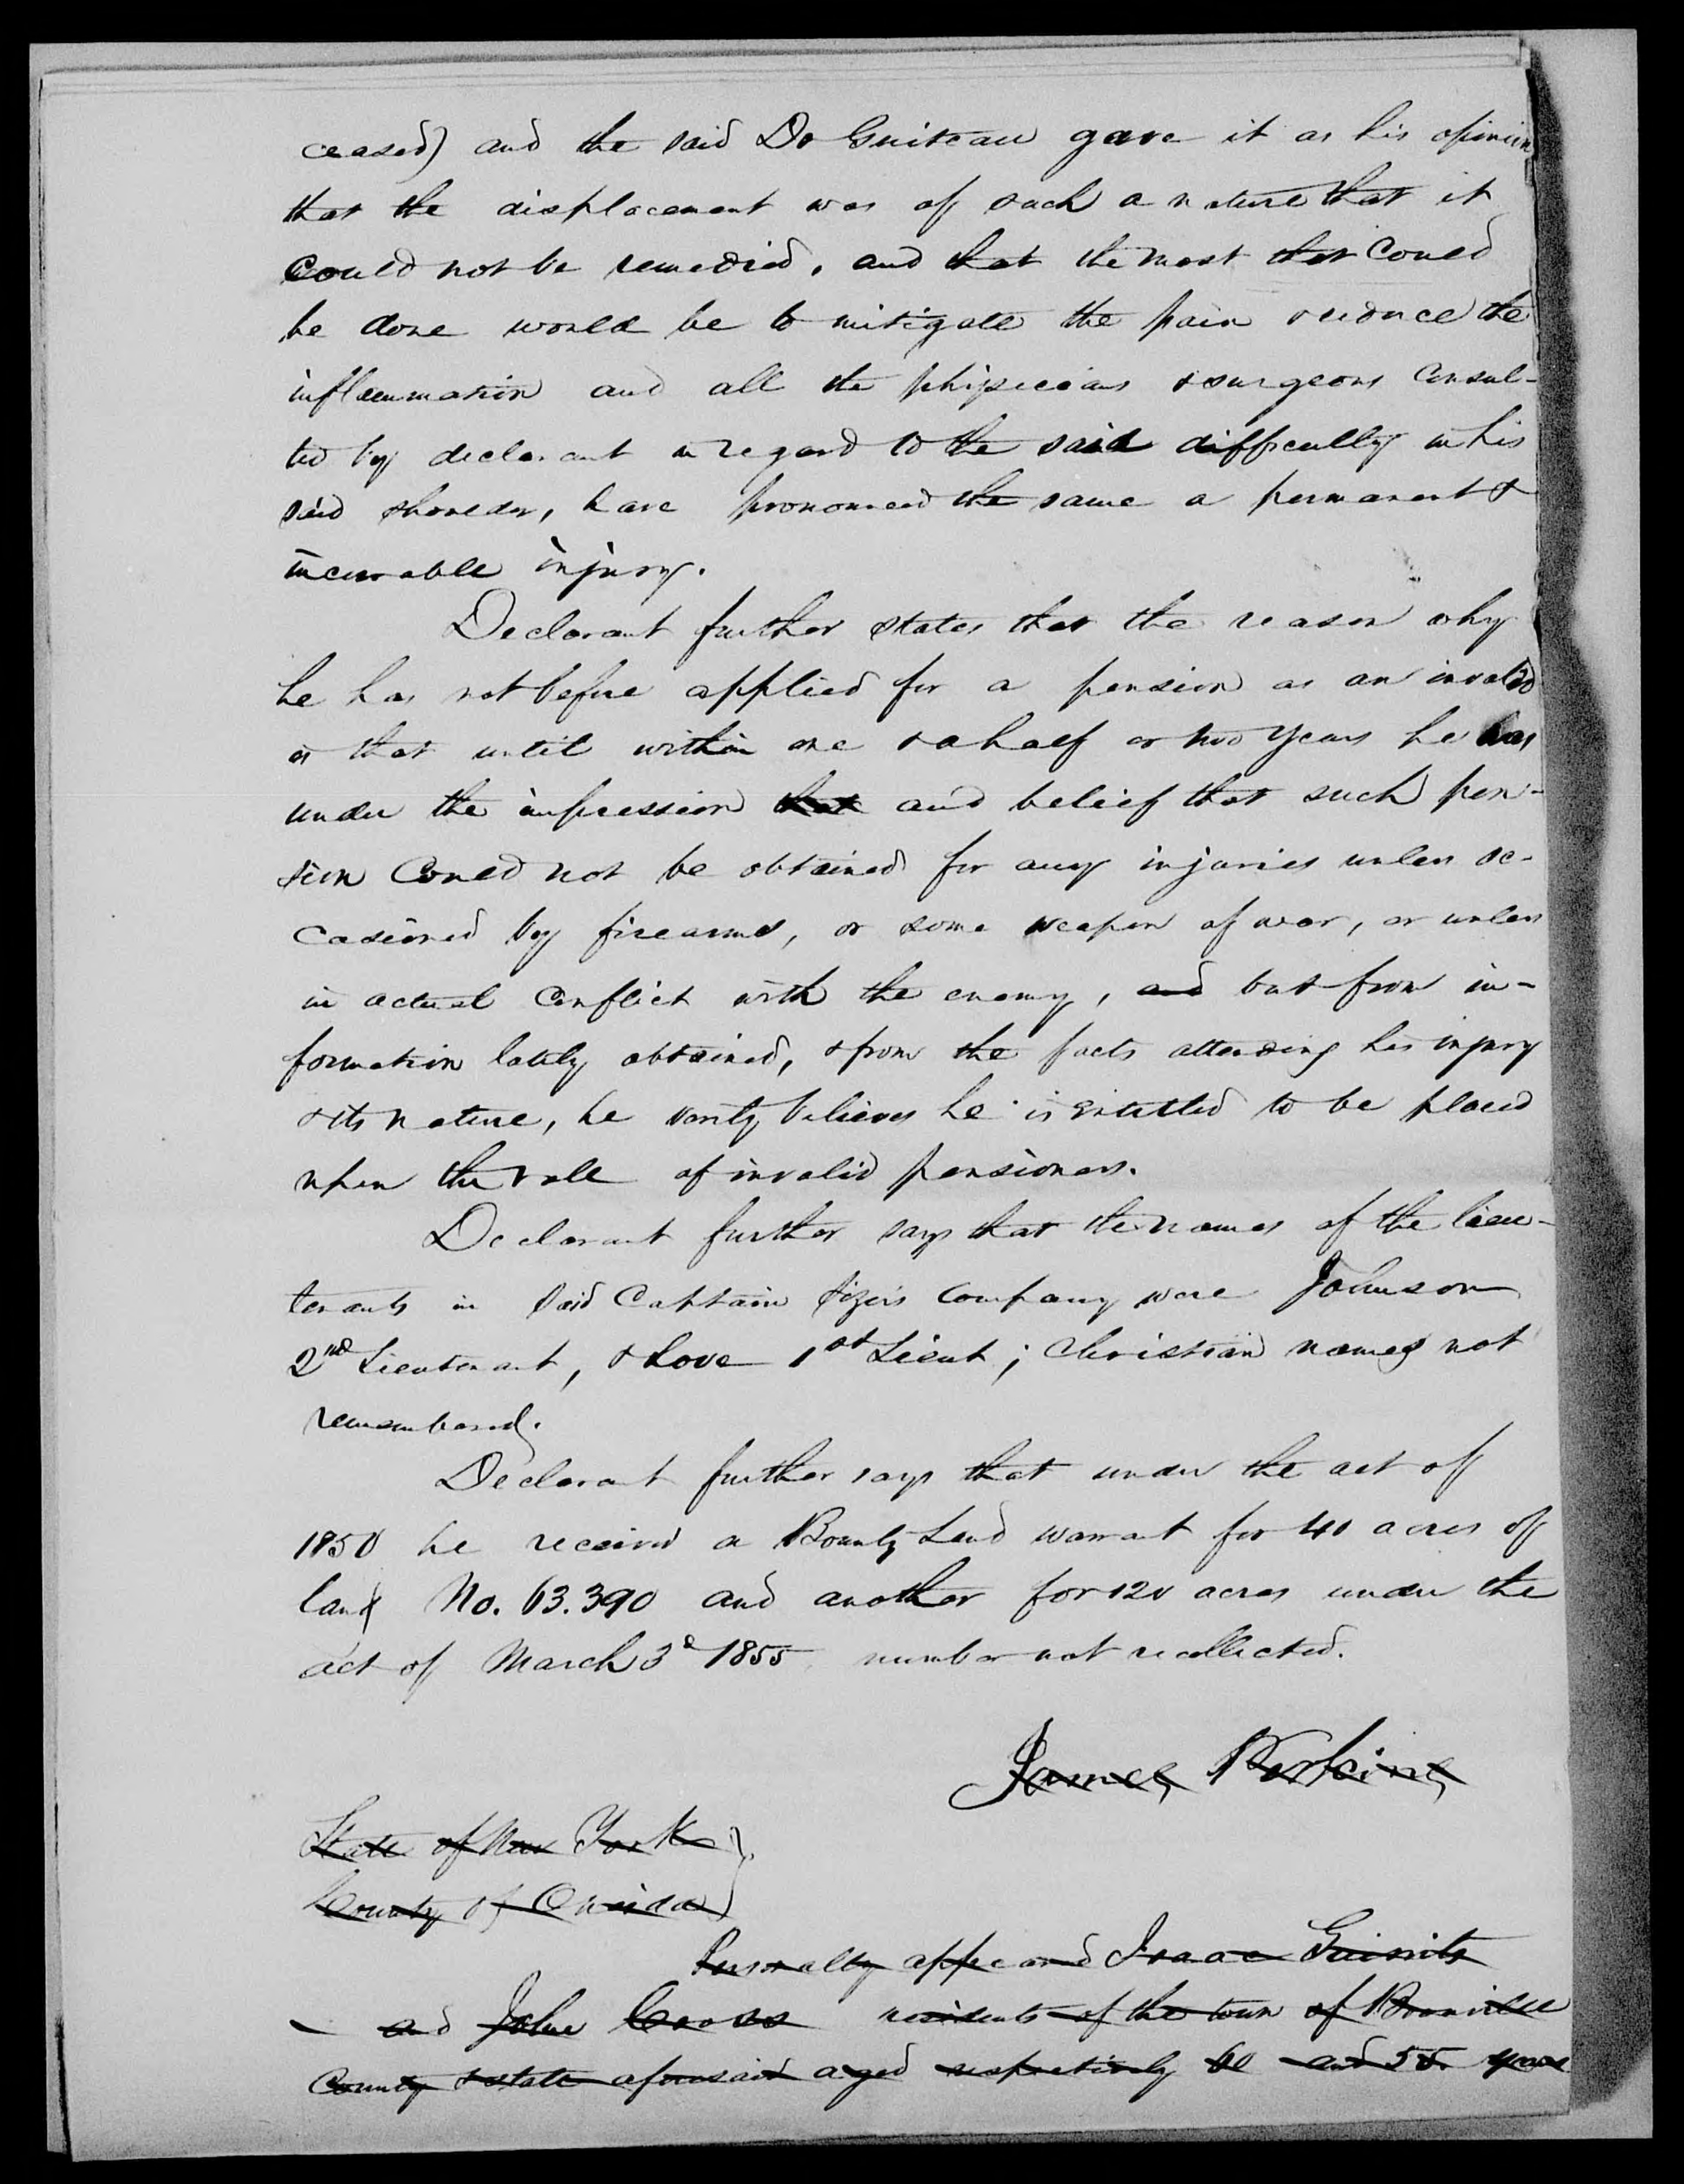[de]ceased) and the said Do Guiteau gave it as his opinion that the displacement was of such a nature that it could not be remedied, and that the most that could be done would be to mitigate the pain reduce the inflammation and all the phisicians & surgeons consulted by declarant in regard to the said difficulty in his said shoulder, have pronounced the same a permanent & incurable injury. 
Declarant further states that the reason why he has not before applied for a pension as an invalid is that until within one & a half or two years he was under the impression and belief that such pension could not be obtained for any injuries unless occasioned by firearms, or some weapon of war, or unless in actual conflict with the enemy, but from information lately obtained, & from the facts attending his injury & its nature, he verily believes he is entitled to be placed upon the role of invalid pensioners. 
Declarant further says that the names of the lieutenants in said Captain Sizer's company were Johnson 2nd Lieutenant, & Love 1st Lieut; Christian names not remembered. 
Declarant further says that under the act of 1850 he received a Bounty Land Warrant for 40 acres of land No. 63.390 and another for 120 acres under the act of March 3d 1855 number not recollected. 

[the following text was crossed out]
James Perkins
State of New York 
County of Oneida
Personally appeared Isaac Guiwits and John Cross residents of the town of Boonville County & State aforesaid aged respectively 60 and 55 years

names: James Perkins; [BLANK] Love; Isaac Guiwits; John Cross; [BLANK] Johnson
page: 6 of 44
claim: rejected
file: R. 17,033, for Joseph Perkins, New York